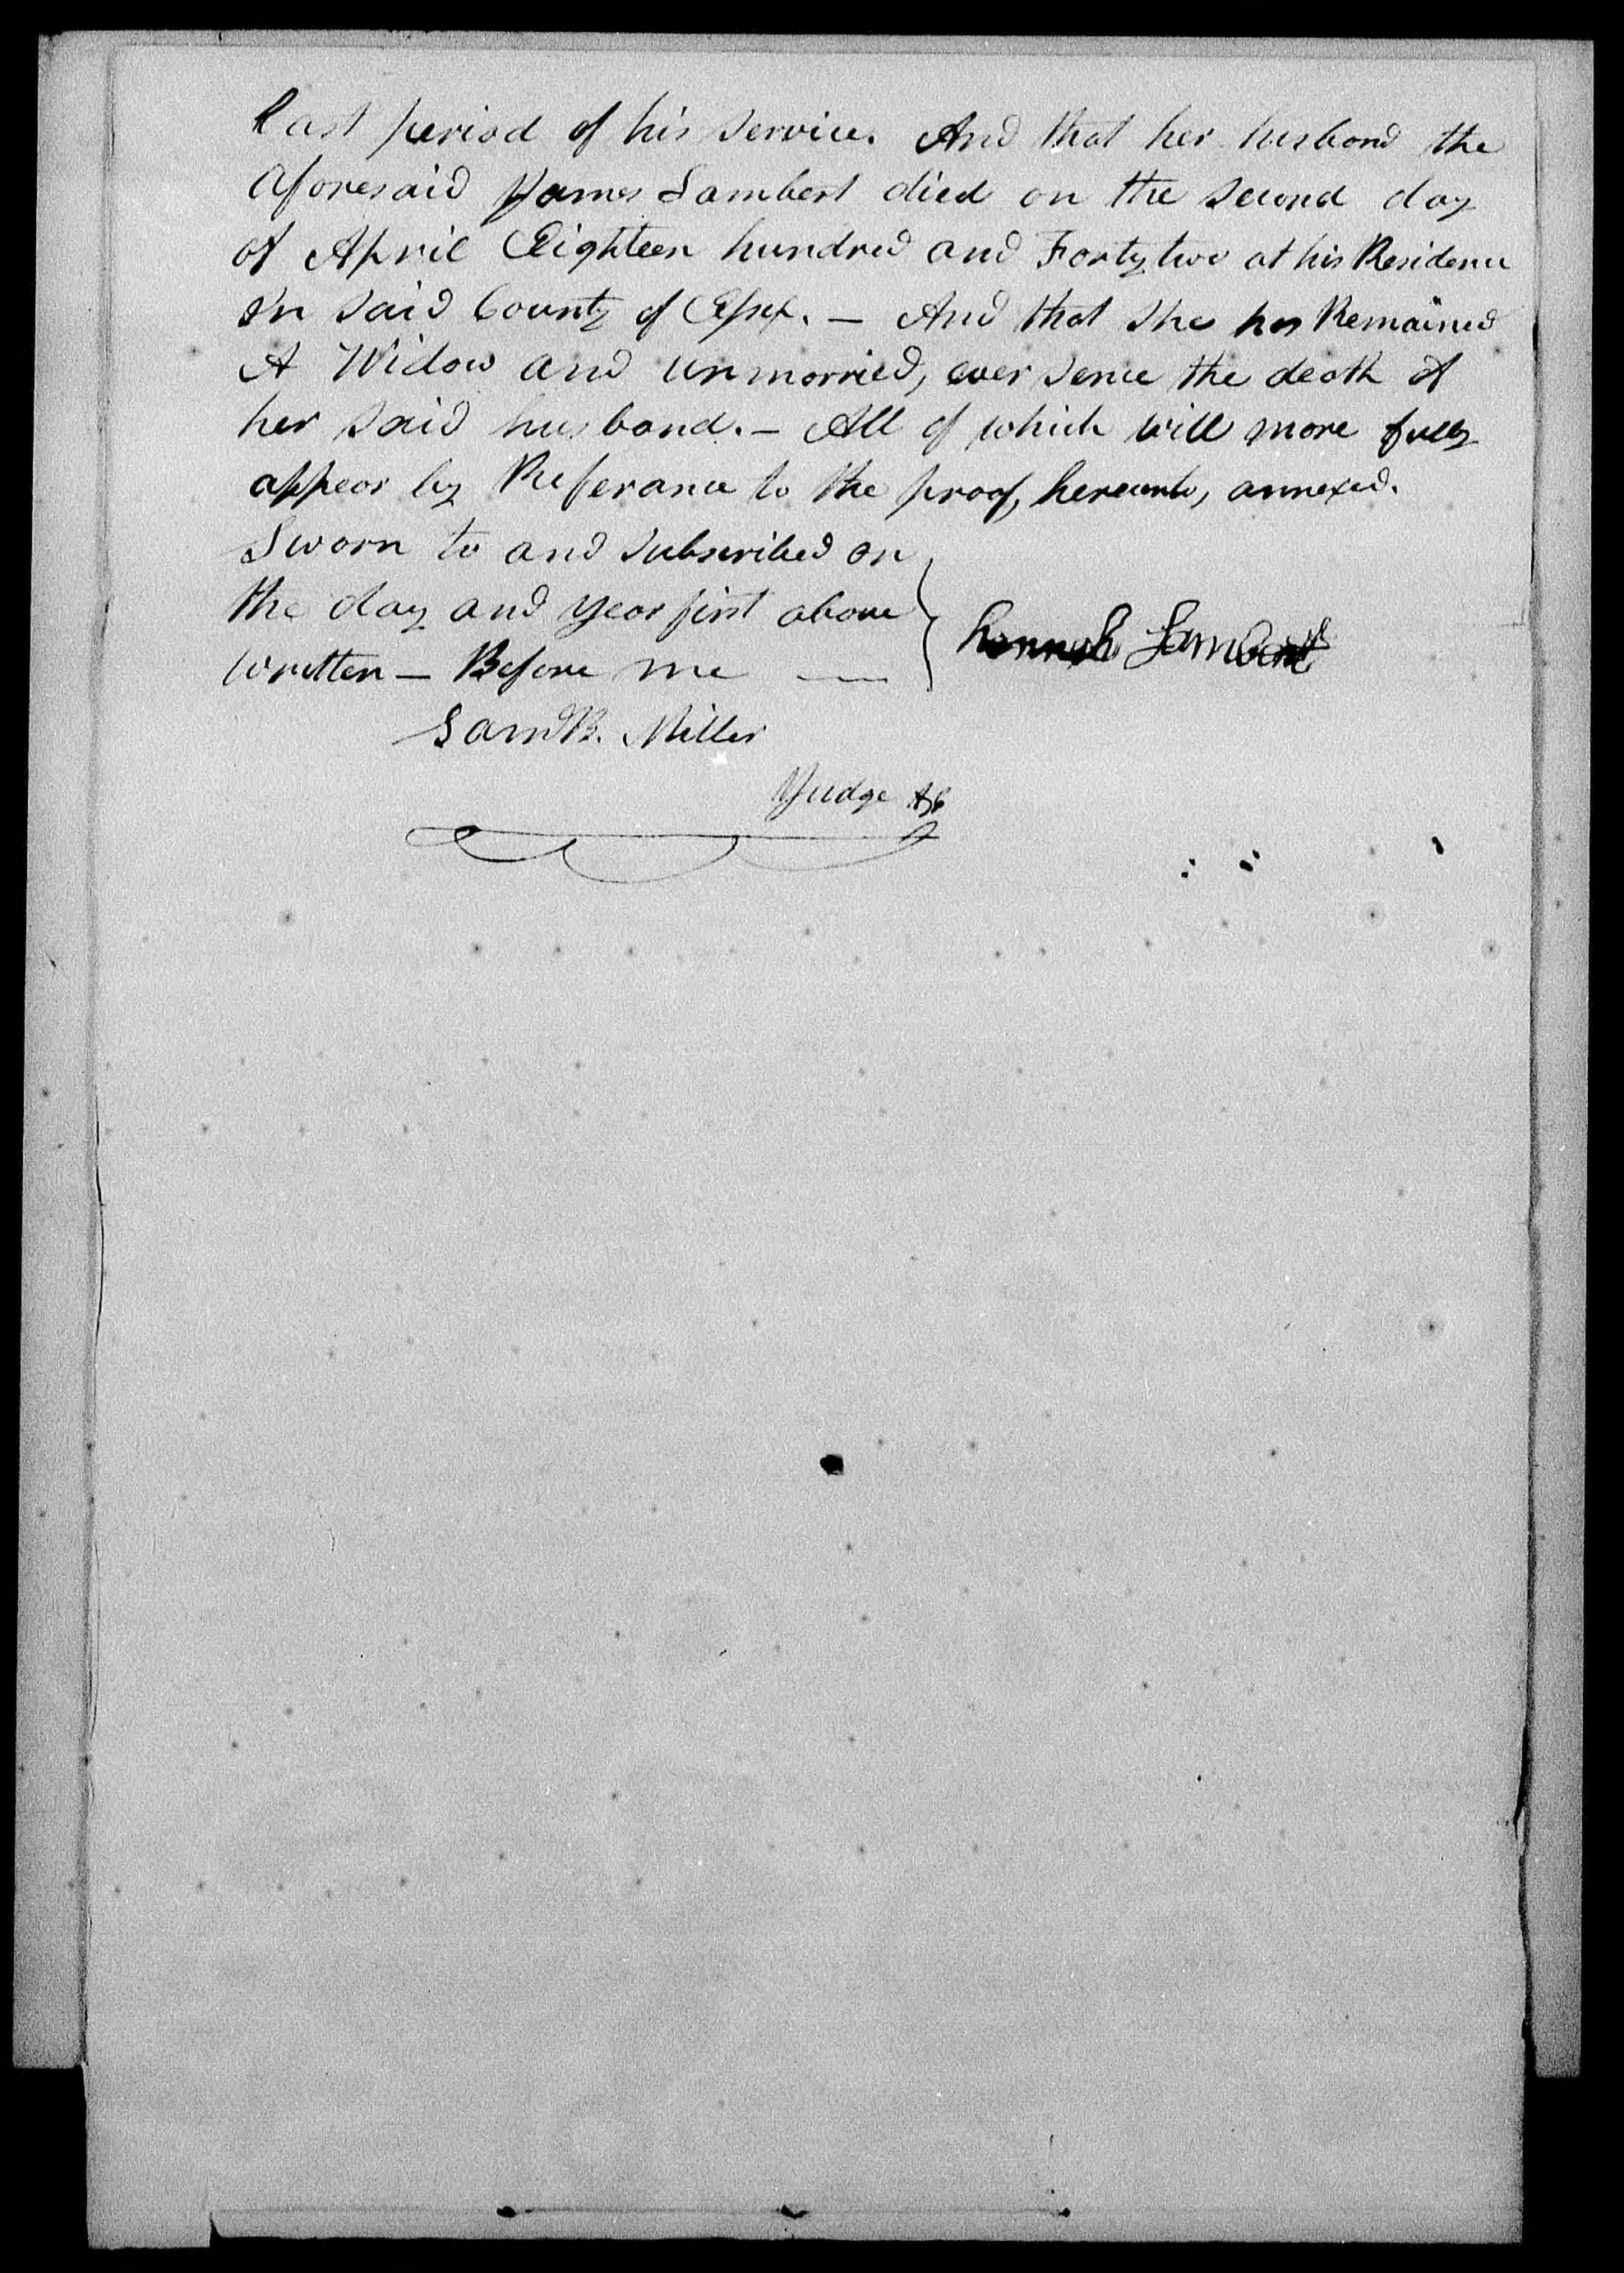last period of his service. And that her husband the aforesaid James Lambert died on the second day of April Eighteen hundred and Forty two at his Residence in said County of Essex - And that she has remained A Widow and unmarried, ever since the death of her said husband. All of which will more fully appear by referance to the proof hereunto annexed
Hannah Lambert
Sworn to and subscribed on the day and year first above Written - Before me
Saml B. Miller
Judge &c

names: Saml B Miller; Hannah Lambert; James Lambert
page: 17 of 49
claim: widow's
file: W. 859, for James Lambert, New Jersey